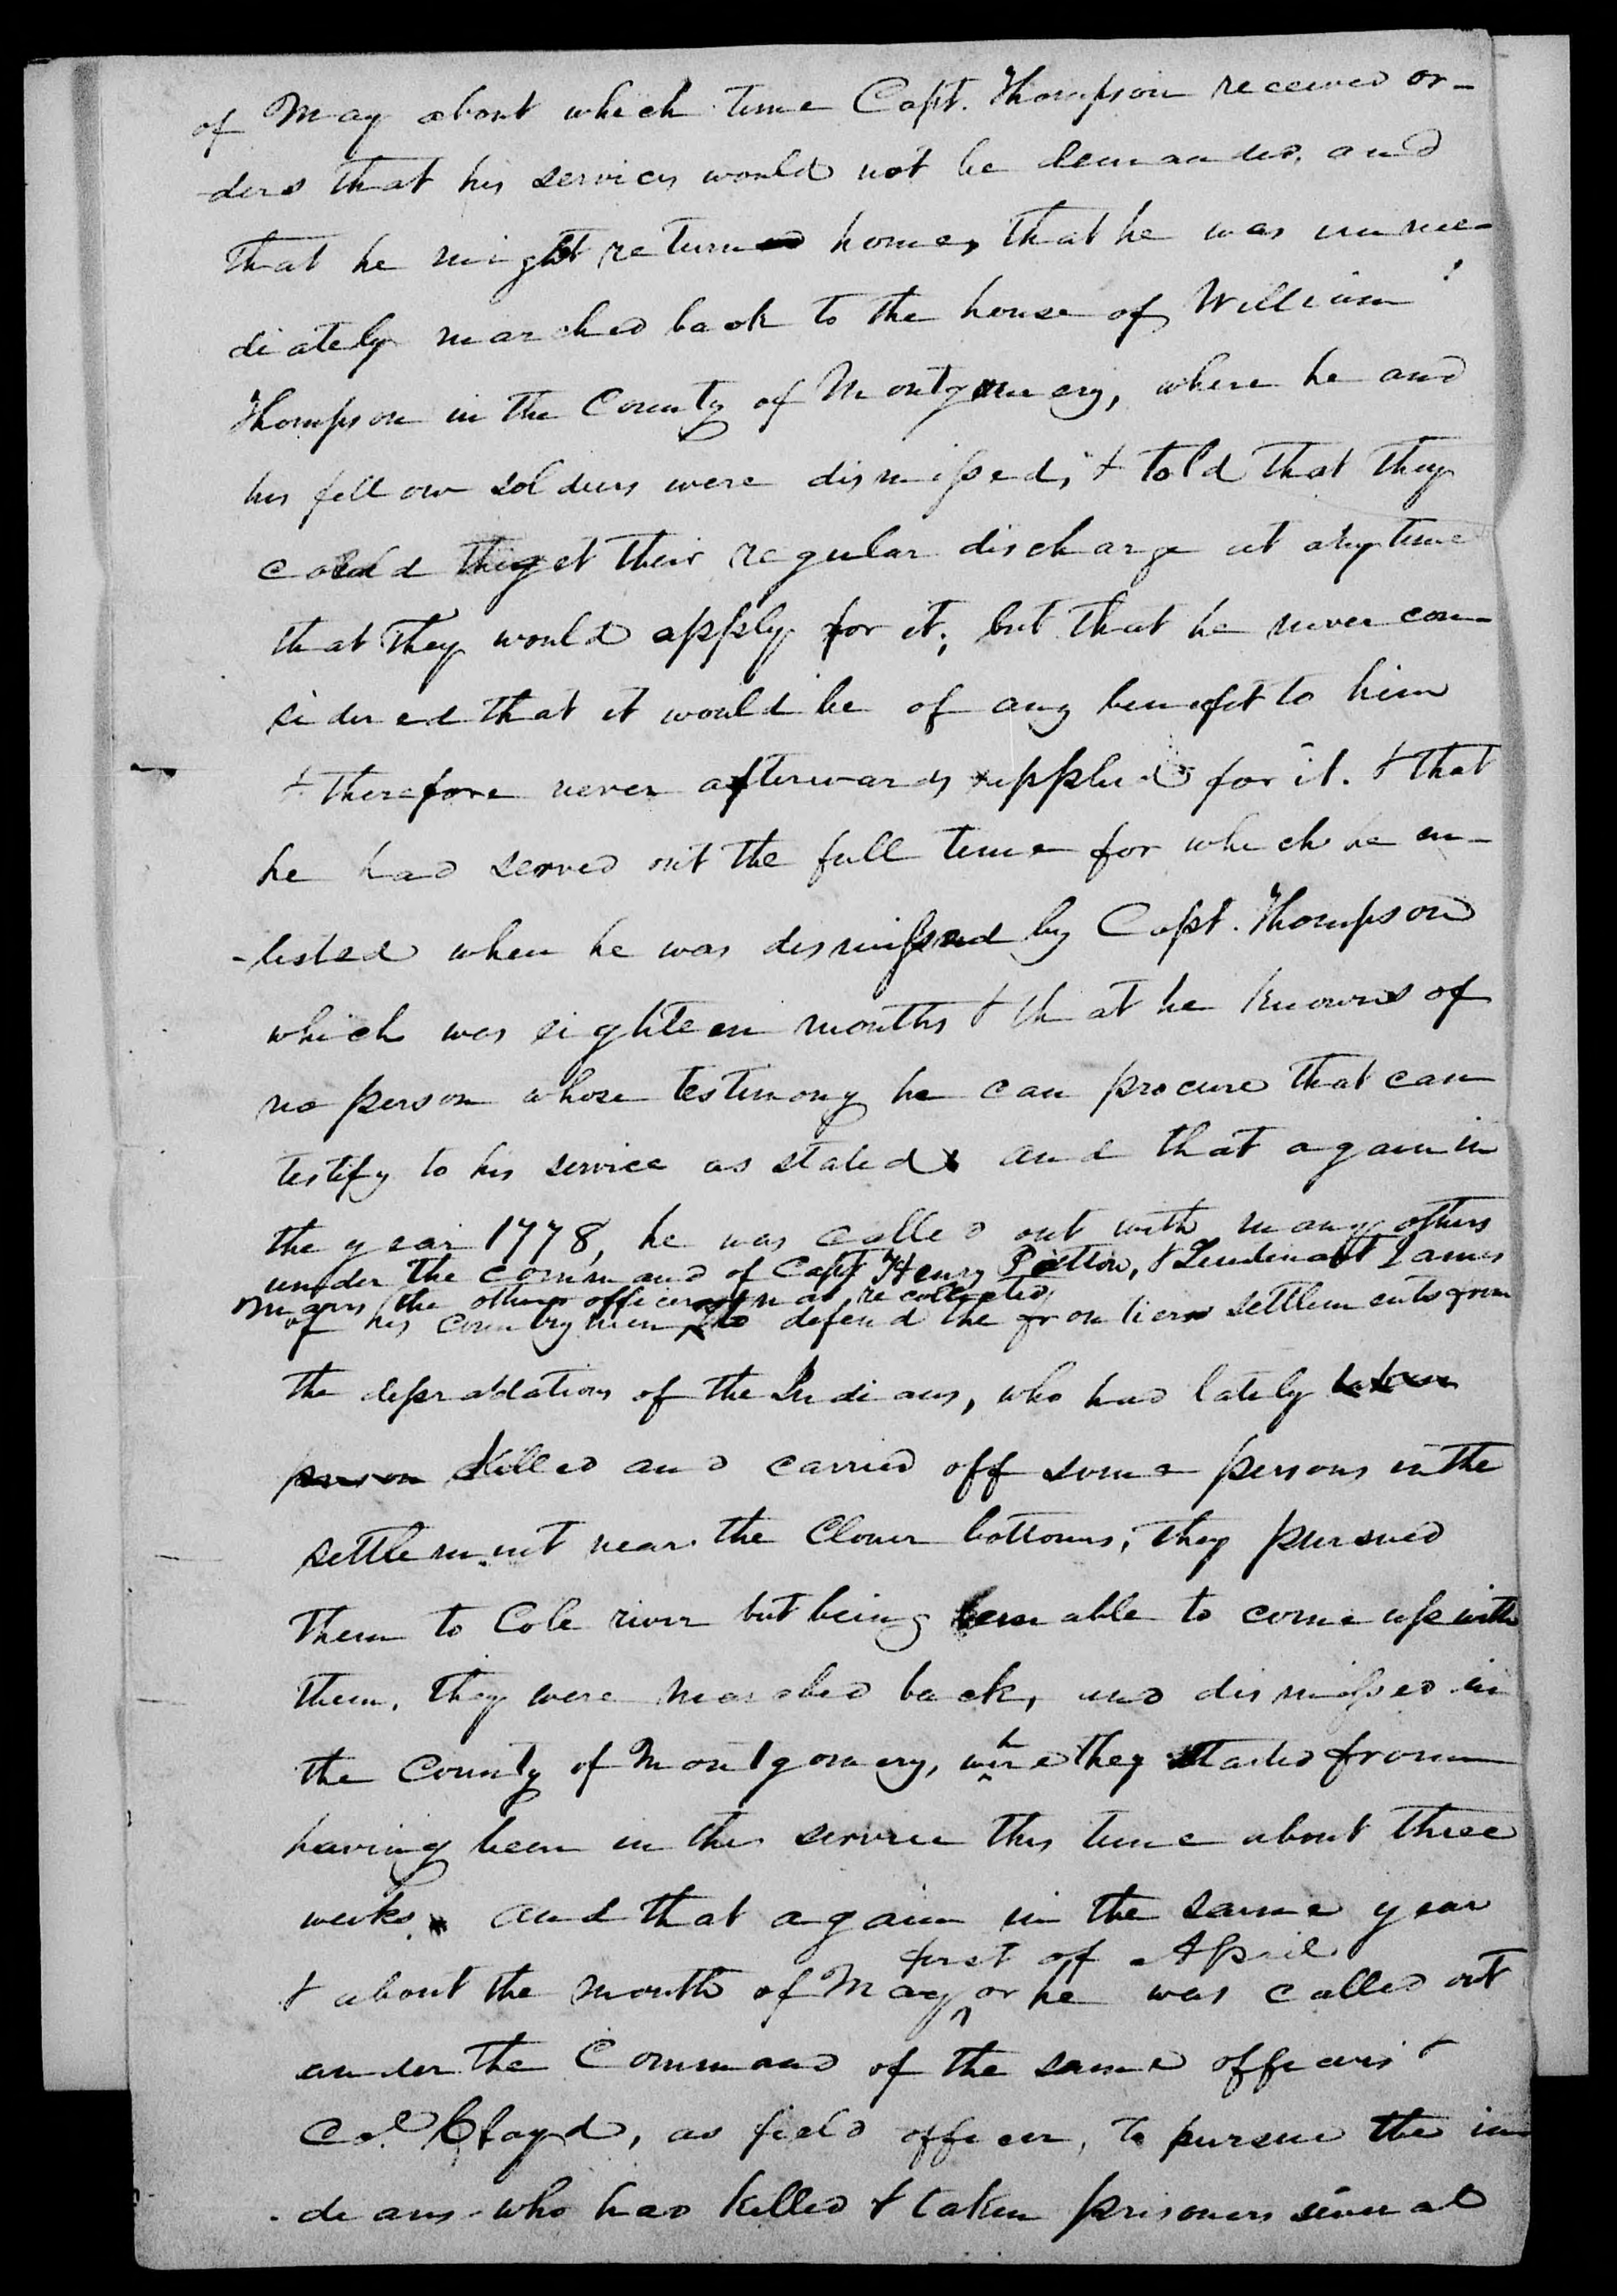of May about which time Capt. Thompson received orders that his services would not be demanded, and that he might return home, that he was immediately marched back to the house of William Thompson in the County of Montgomery, where he and his fellow soldiers were dismissed, & told that they could get their regular discharge at anytime that they would apply for it; but that he never considered that it would be of any benefit to him & therefore never afterwards applied for it. & that he had served out the full time for which he enlisted when he was dismissed by Capt. Thompson which was eighteen months & that he knows of no person whose testimony he can procure that can testify to his service as stated and that again in the year 1778, he was called out with many others under the command of Capt Henry Patton, & Lieutenant James Marrs of his Country men (the other officers not recollected) to defend the frontier settlements from the deproblations of the Indians, who had lately settled and carried off some persons in the settlement near the Clover bottoms; they pursued them to Cole river but being unable to come up with them, they were marched back, and dismissed in the County of Montgomery, where they started from having been in the service this time about three weeks. And that again in the same year & about the month of May or first of April he was called out under the Command of the same officers & Col. Floyd, as field officer, to pursue the indians who had killed & taken prisoners since at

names: Henry Patton; William Thompson; [BLANK] Cloyd; James Marrs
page: 5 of 35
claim: survivor's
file: S. 30,665, for John Prewett, Virginia